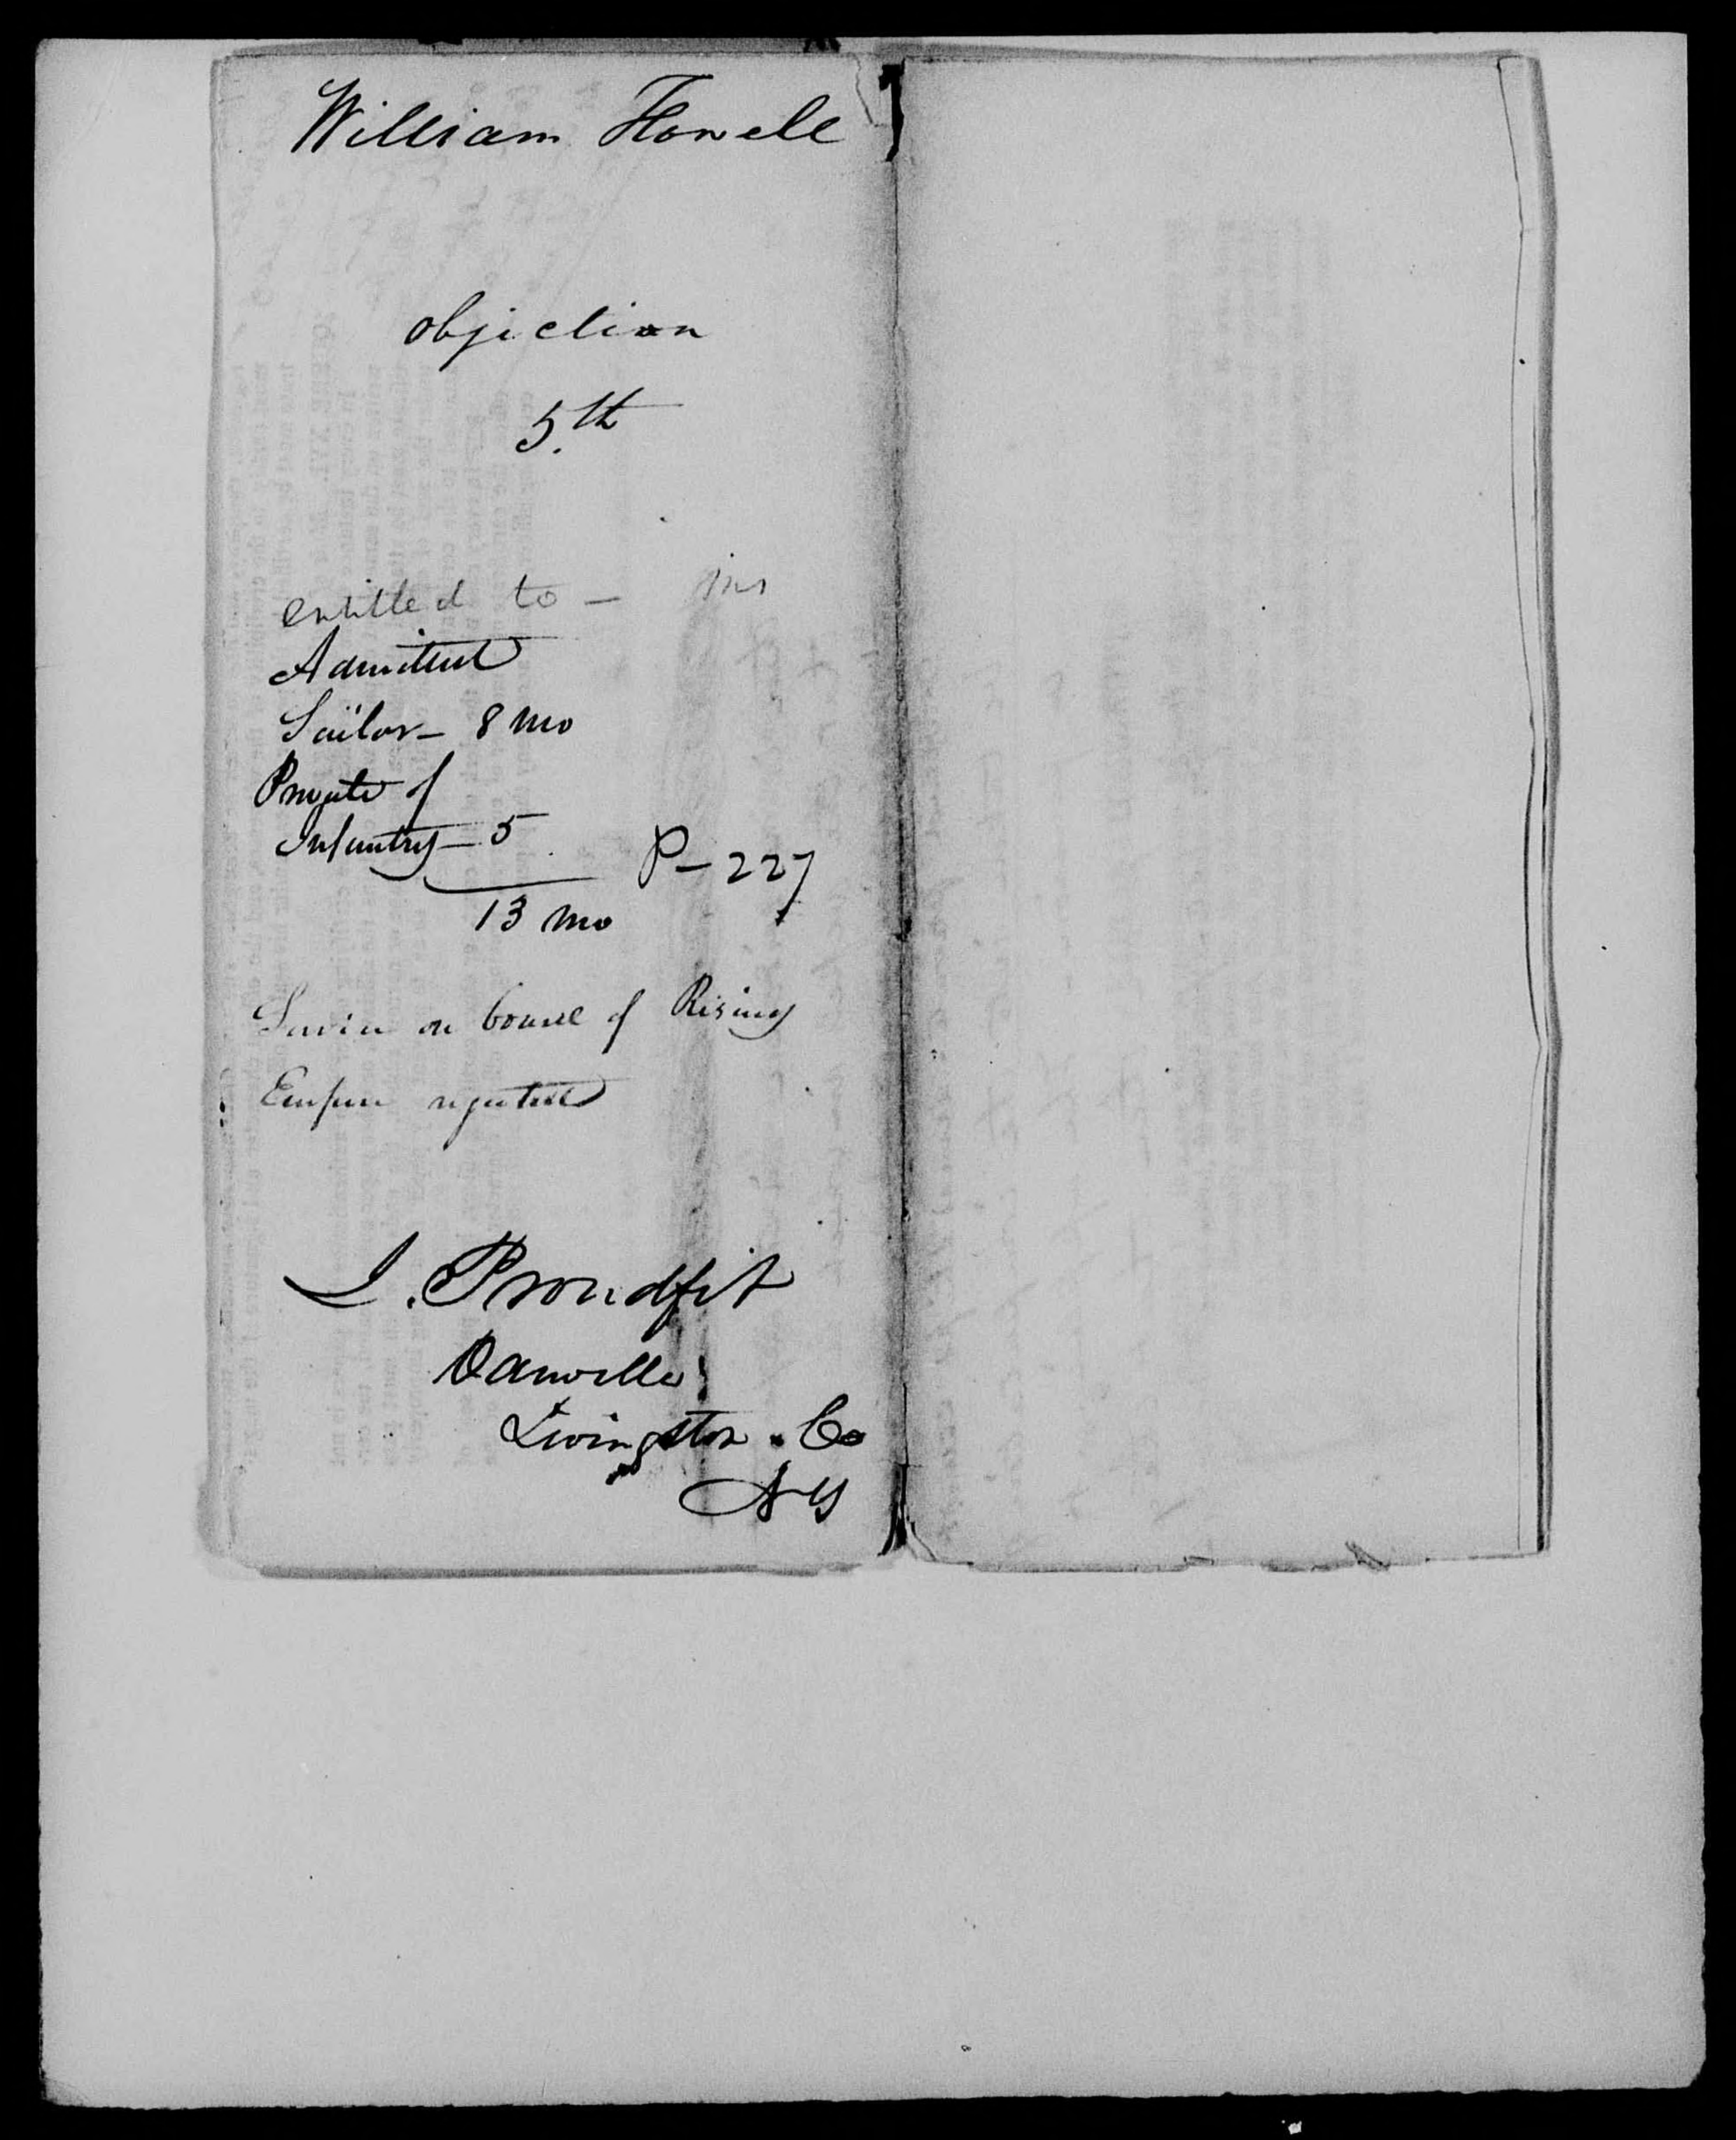William Howell

objection 
5.th

emmited to - 
Ad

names: William Howell, J Prondfit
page: 10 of 18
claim: survivor's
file: S. 18,039, William Howell, Conn. Sea Service Mass. And Mass. Sea Service Privateer